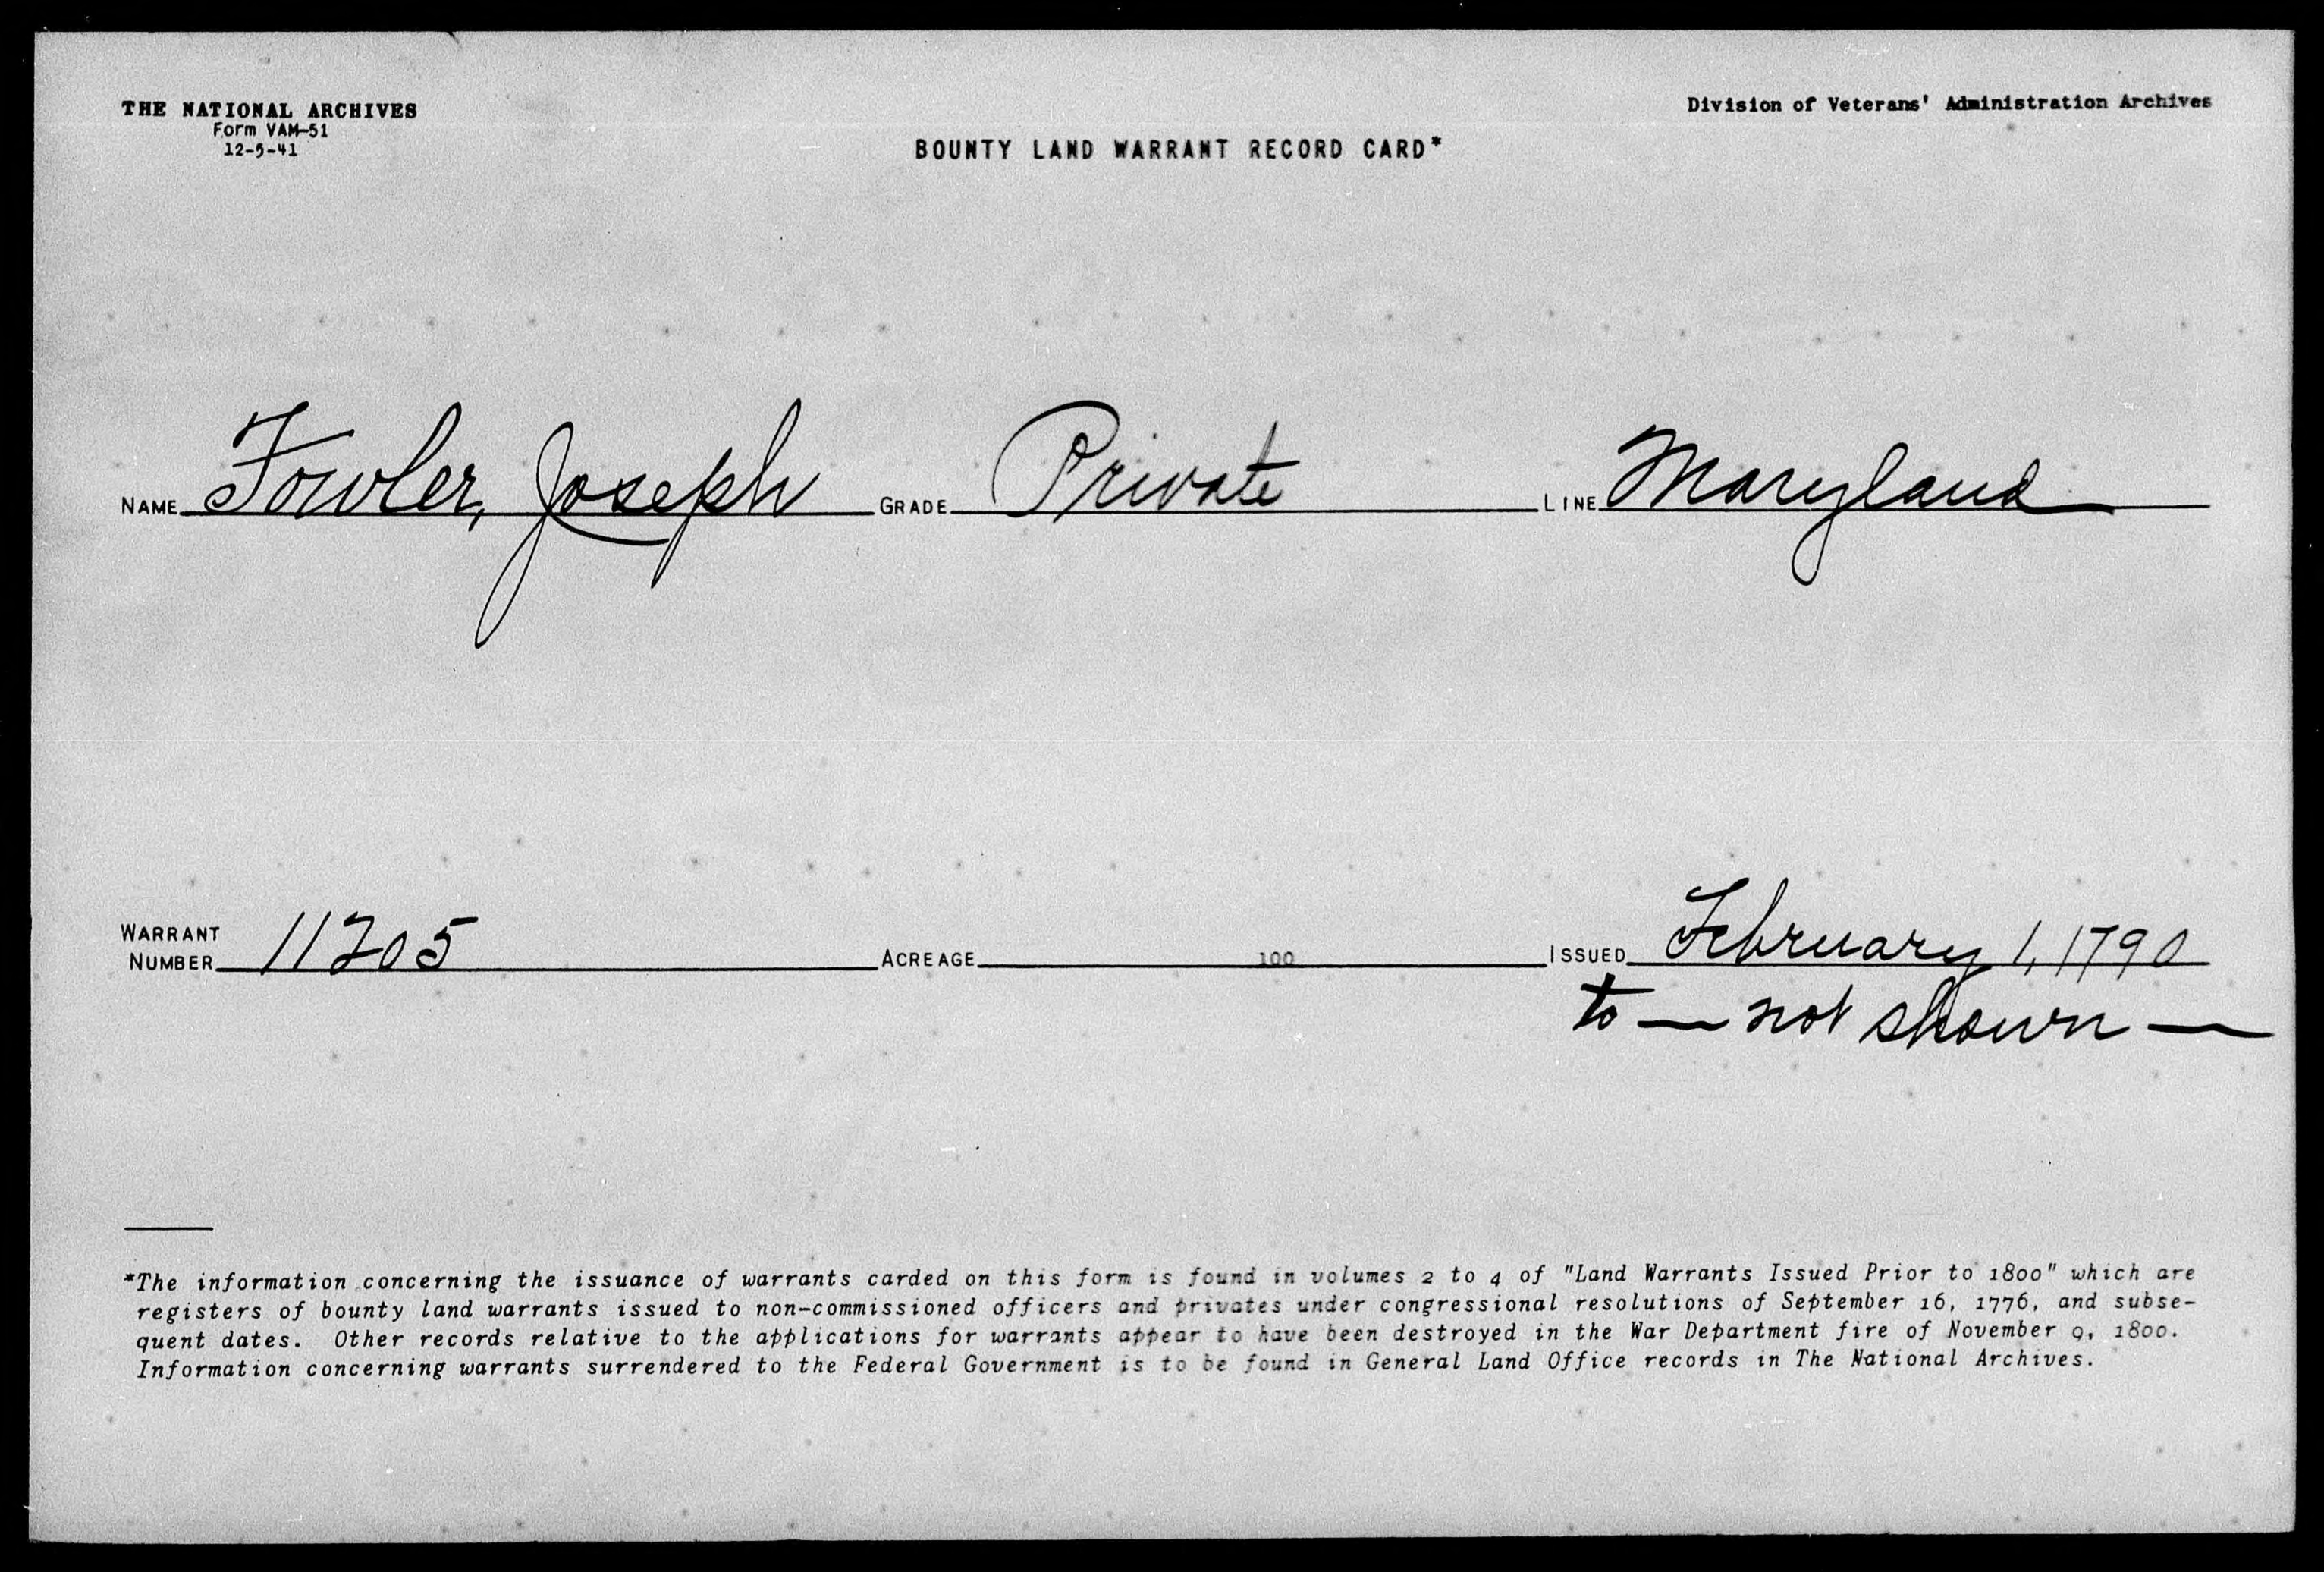THE NATIONAL ARCHIVES 
FORM VAM-51
12-5-41
BOUNTY LAND WARRANT RECORD CARD*
Division of Veterans' Administration Archives
NAME Fowler, Joseph GRADE Private LINE Maryland
WARRANT
NUMBER 11205 ACREAGE 100 ISSUED February 1, 1790
to--- not shown---
*The information concerning the issuance of warrants carded on this form is found in volumes 2 to 4 of registers of bounty land warrants issued to non-commissioned officer and privates under congressional quent dates.  Other records relative to the applications for warrants appear to have been destroyed in. Information concerning warrants surrendered to the Federal Government is to be found in General Land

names: Joseph Fowler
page: 43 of 44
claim: survivor's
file: S. 23639, Jonathan Fowler, New York